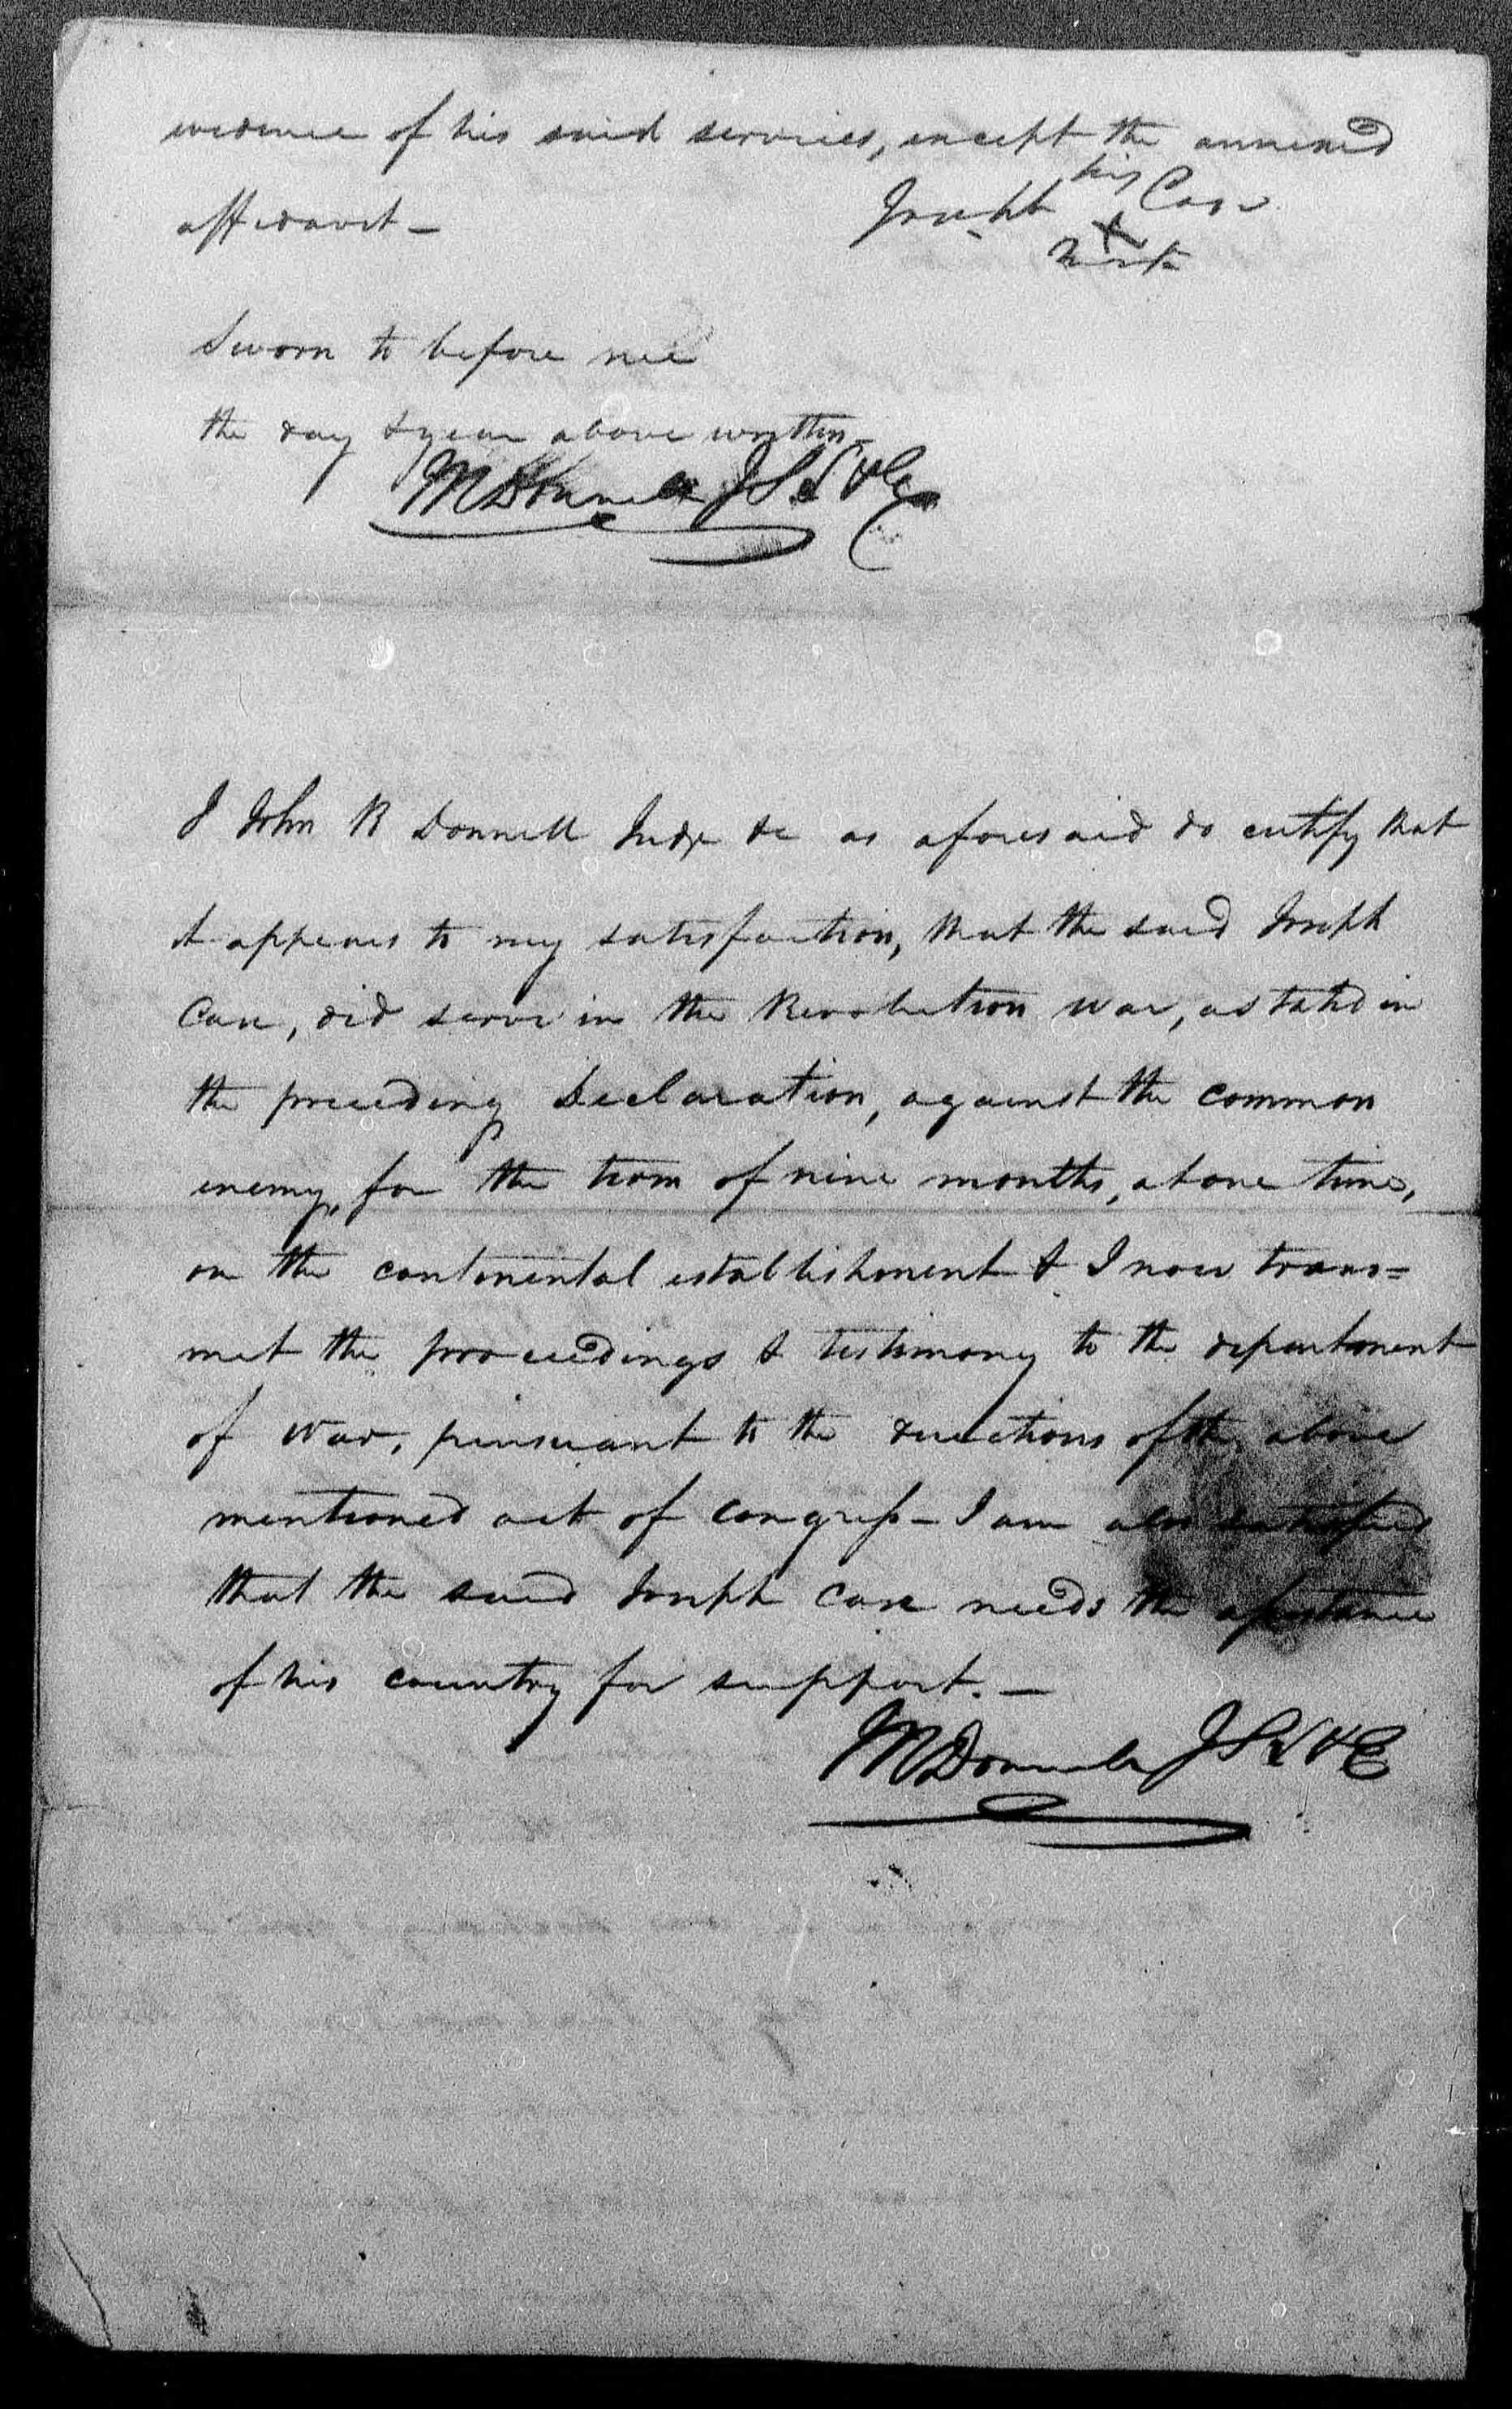[hard to read, may be transcription errors]

income of his said services, except this award.

Affidavit -- John Cass X

Sworn to before me
This day signed above by them
McDonald J.S. Esq.

I John R. Donnell Judge be aforesaid to certify that appeared to my satisfaction, that t he said Joseph Can, did serve in the Revolutionary War, and that in the proceeding declaration, against the common enemy, for the term of nine months, above time, on the continental establishment, I now transmit the foregoing testimony to the aforementioned of War, pursuant to the transactions of the above mentioned act of Congress -- I am affirming that the said Joseph Case needs the aforementioned of his country for support. 

McDonald JS & HE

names: Joseph Case, M Donnell, Joseph Case, Joseph Case, John R Donnell, J R Donnell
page: 5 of 20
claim: survivor's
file: S. 41472, Joseph Case, N.C.